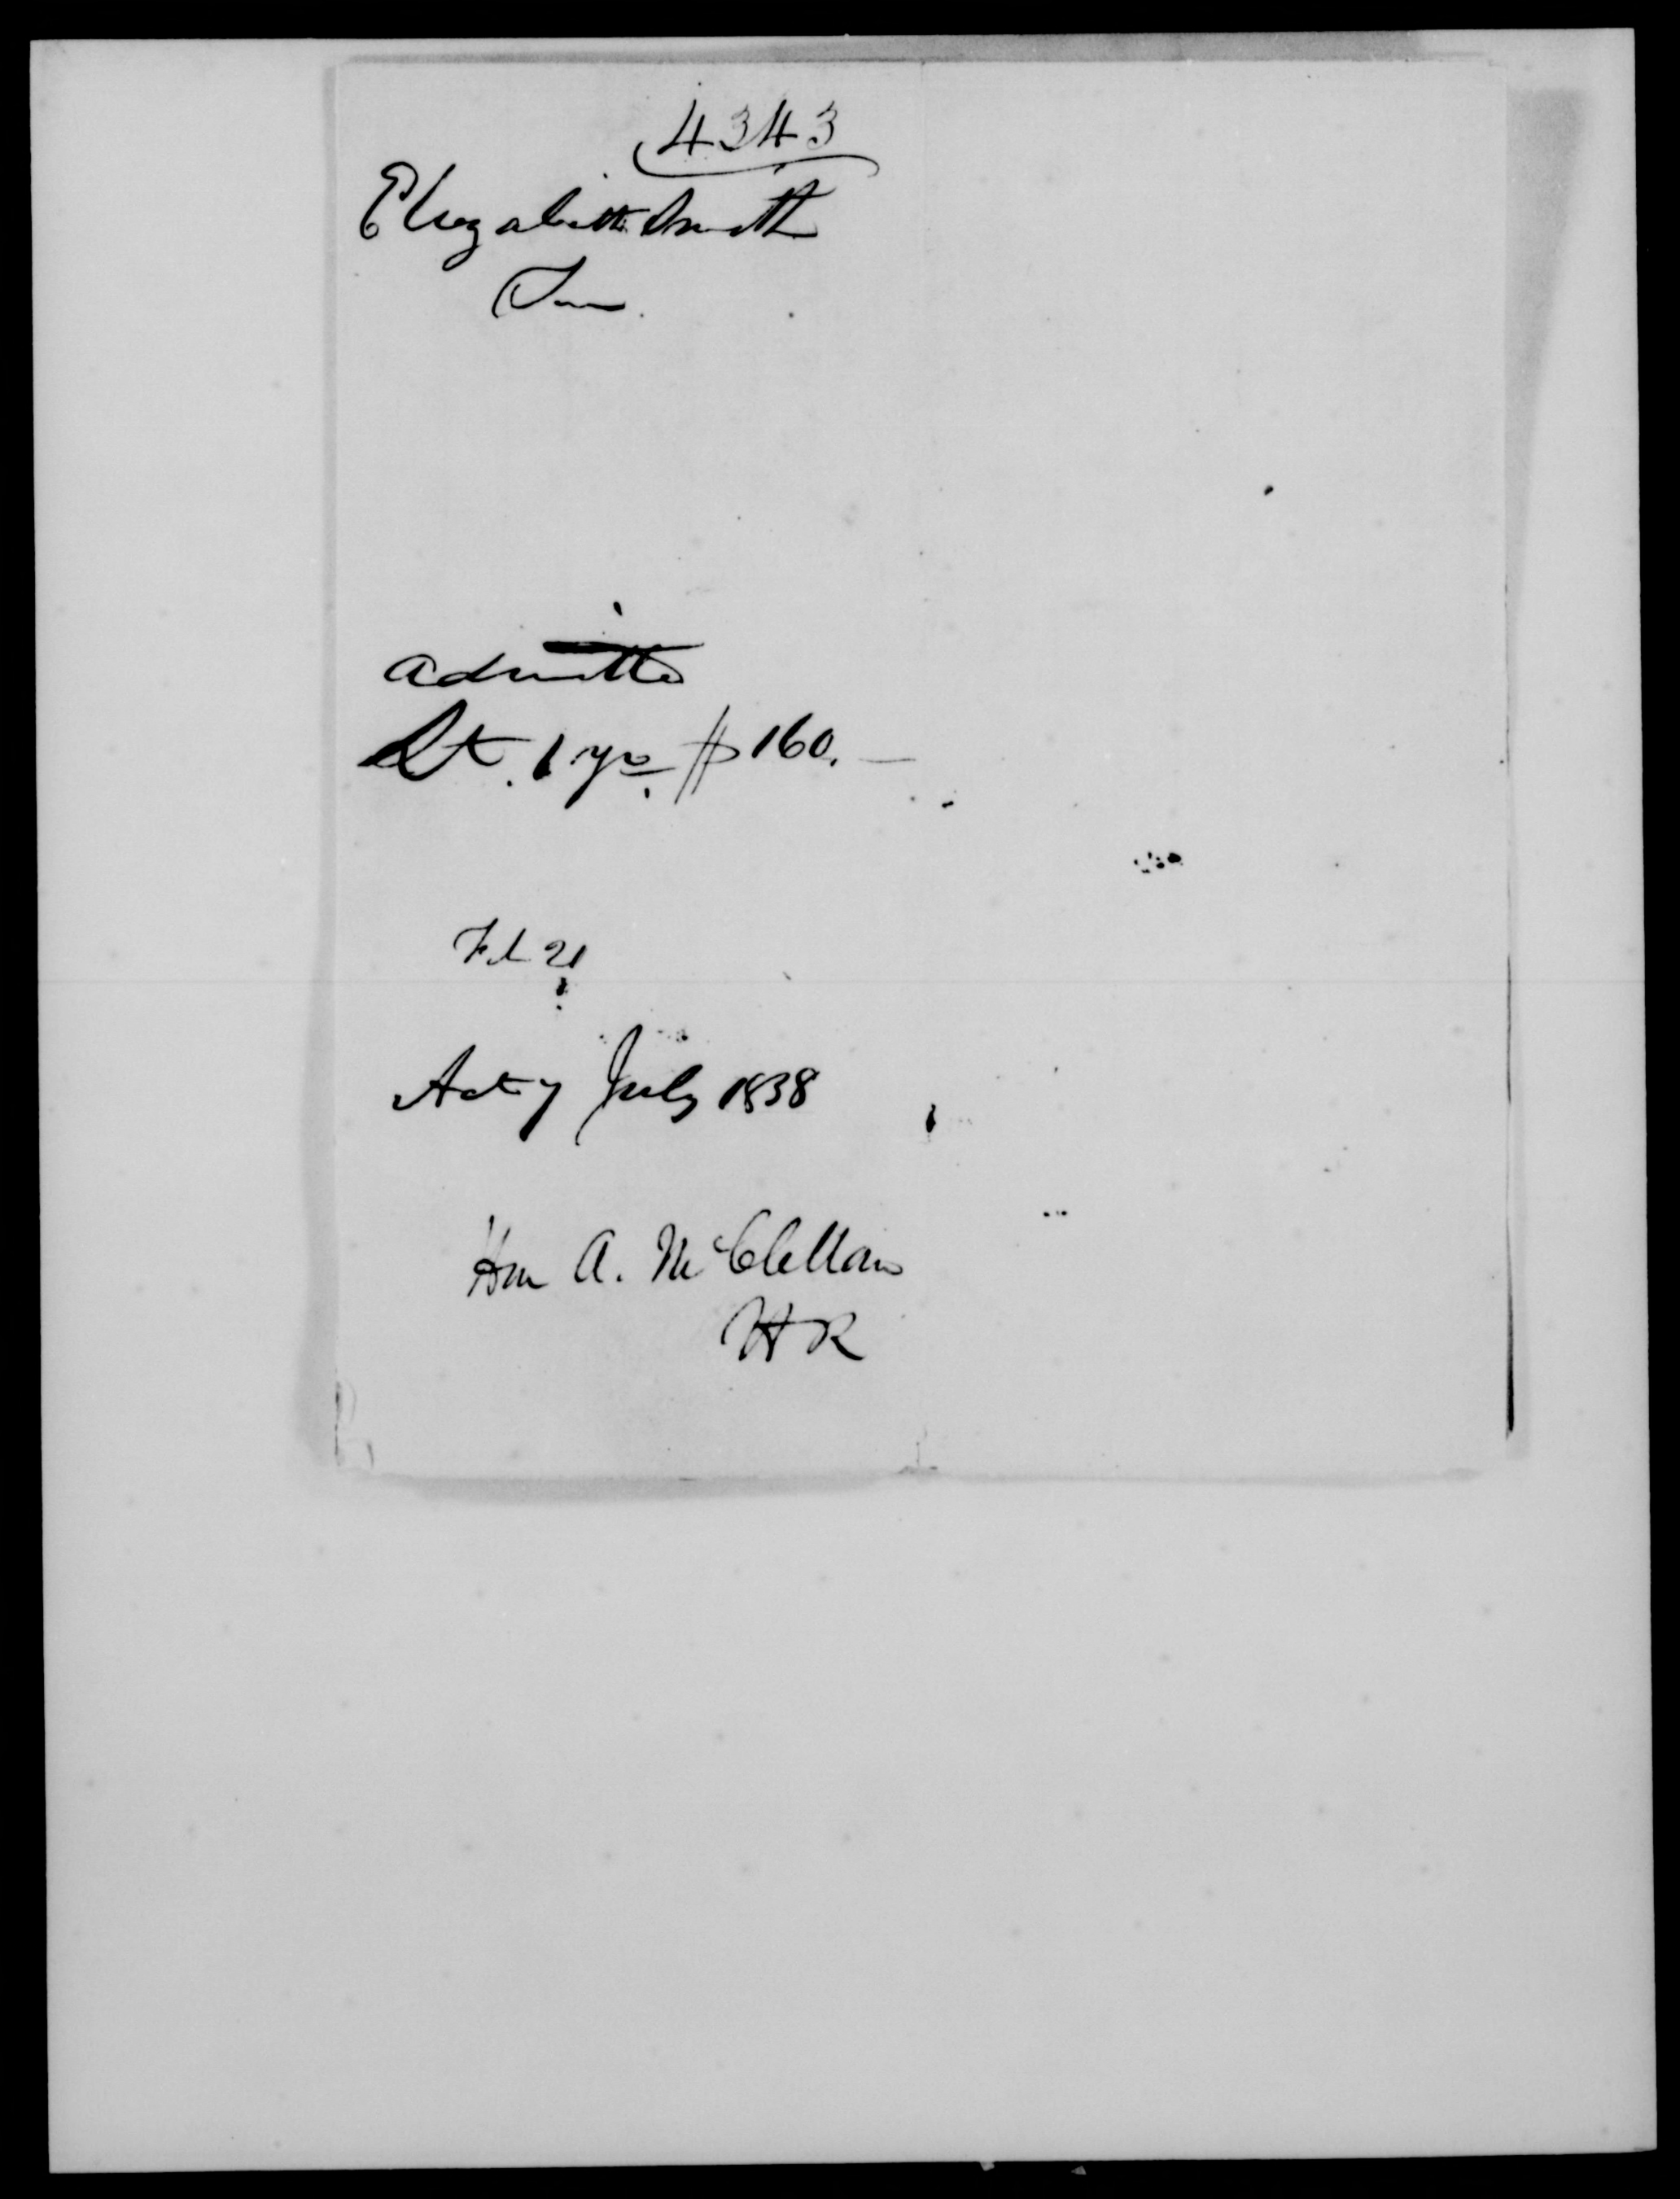4343
_____
Elizabeth Smith
Ten.


Admitted
Lt 1  yr  $160.__

Feb 21
Act 7 July 1838
Hon  A. Mc Clellan
H R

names: A Mc Clellan; Elizabeth Smith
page: 41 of 79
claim: widow's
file: W. 1504, for Robert Smith, North Carolina